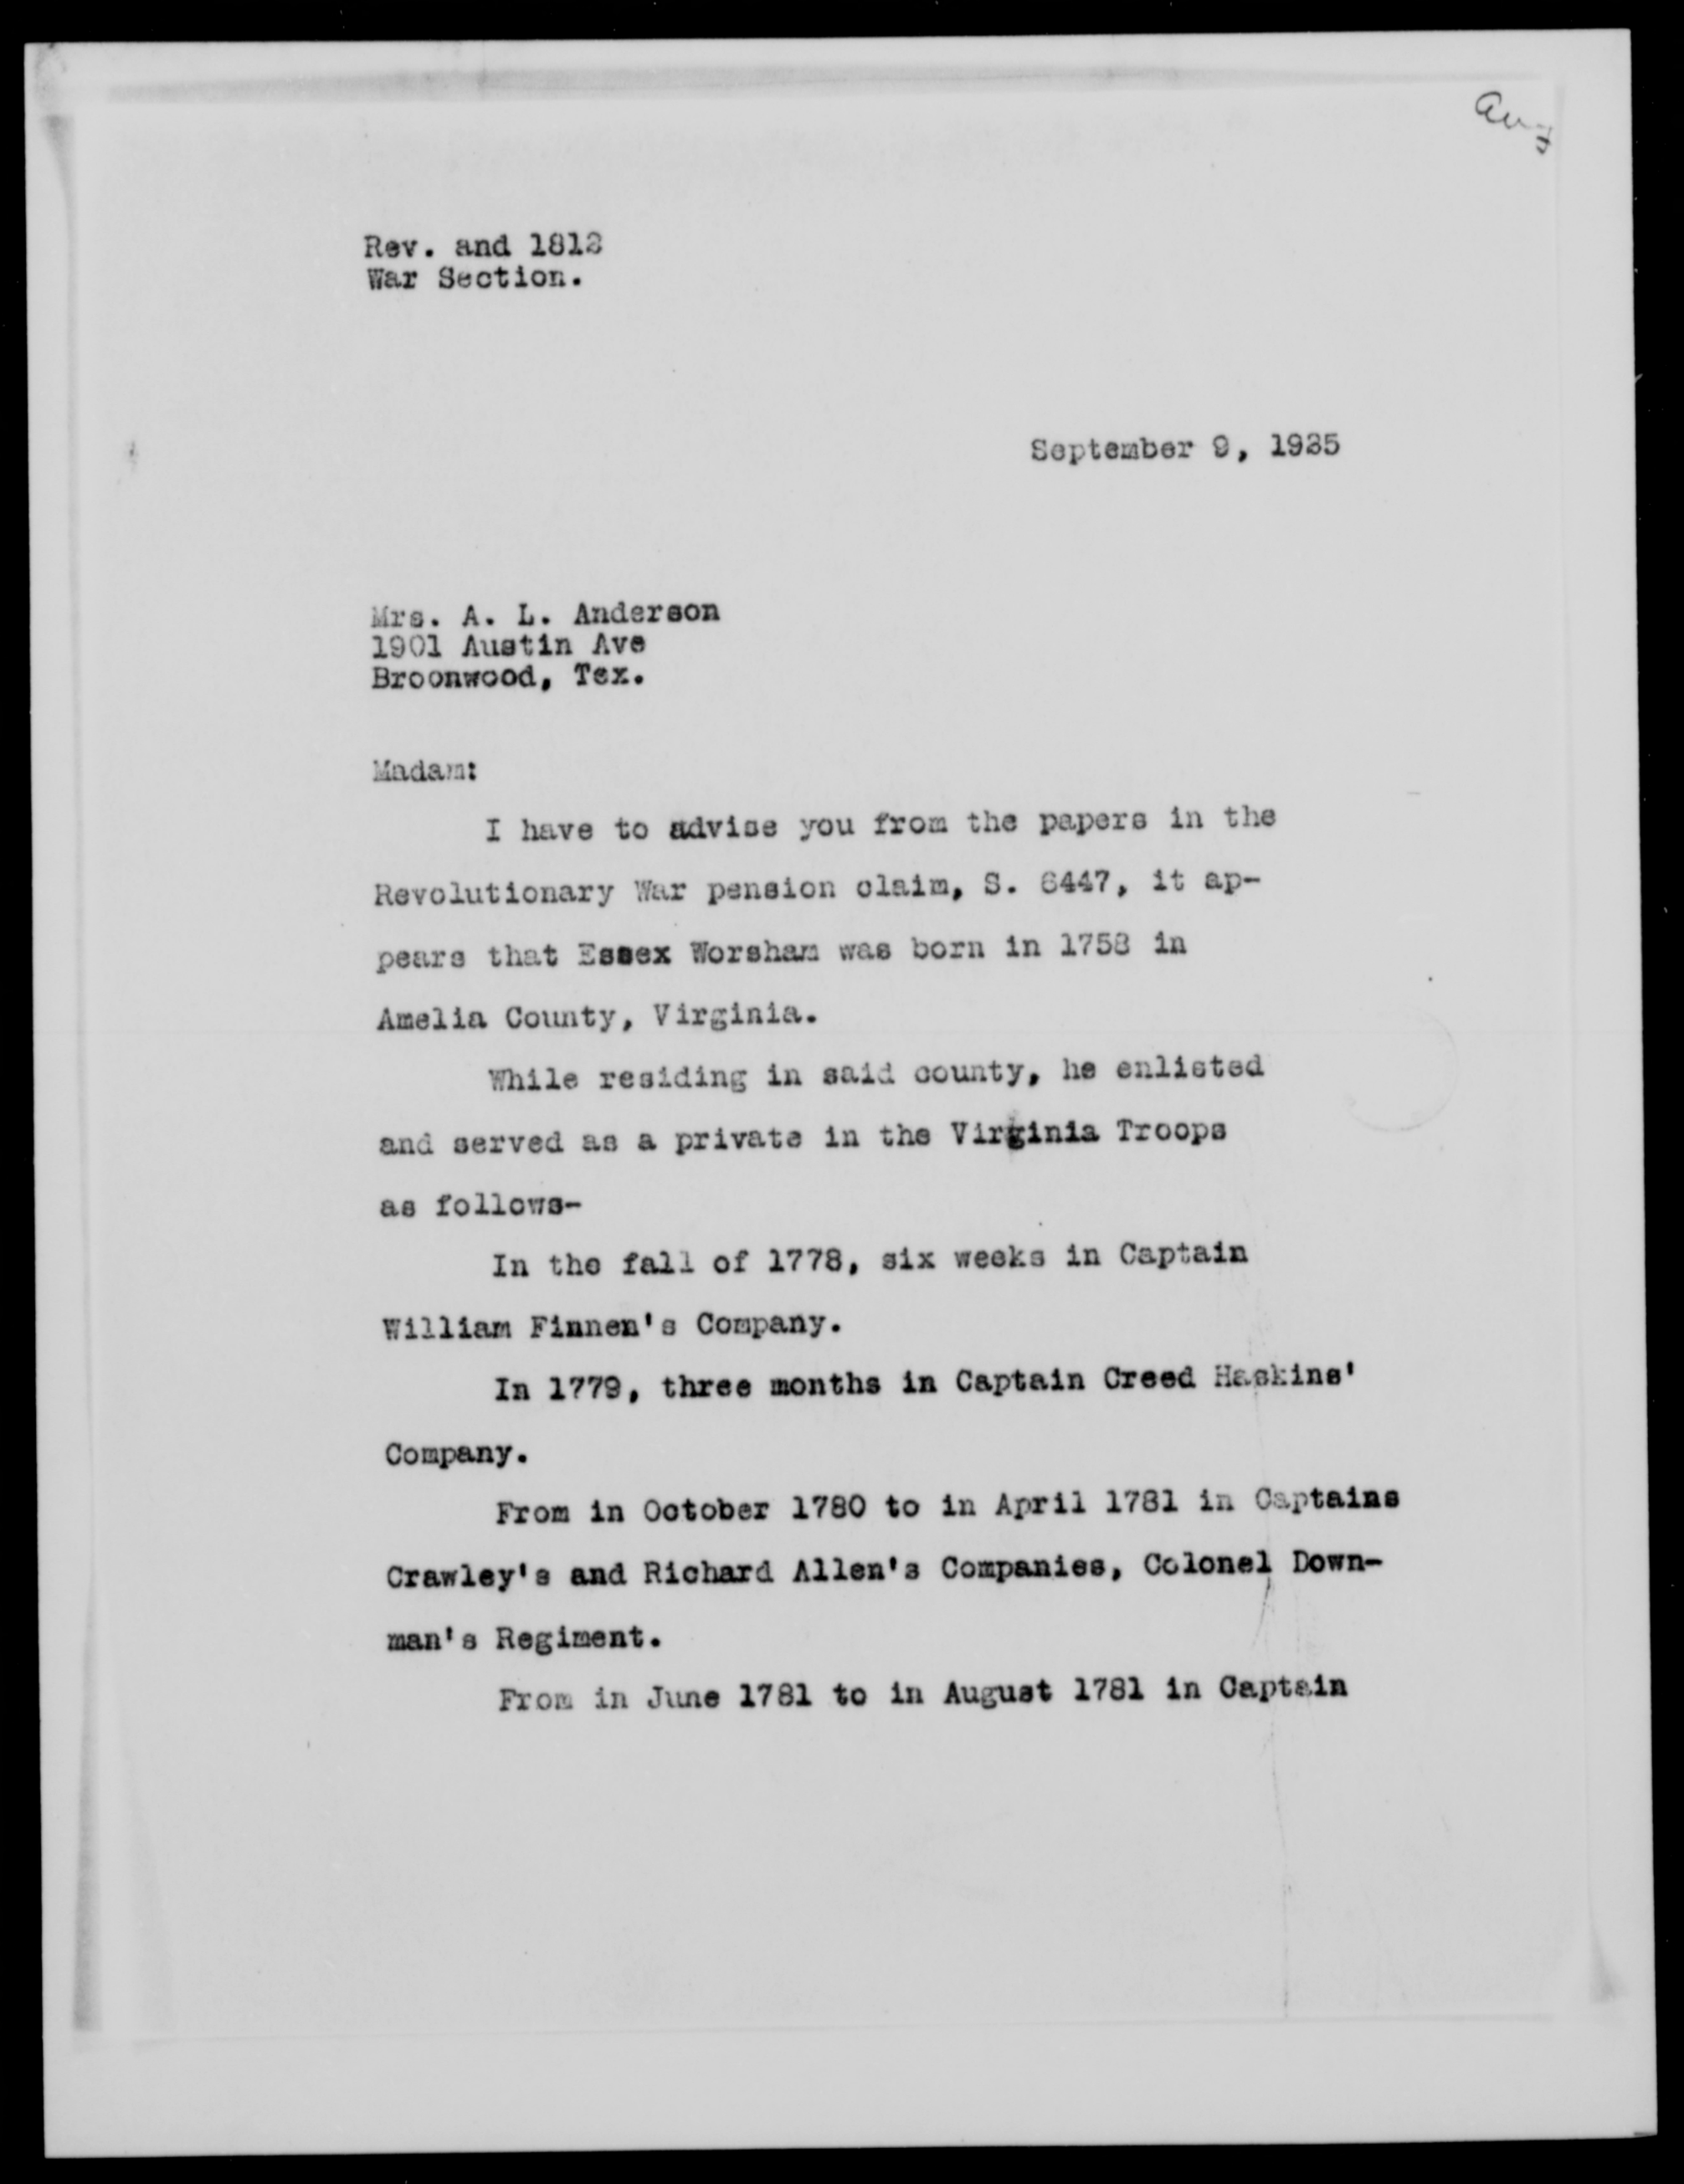Rev. and 1812
War Section.

September 9, 1935

Mrs. A. L. Anderson
1901 Austin Ave
Broonwood, Tex.

Madam:
I have to advise you from the papers in the
Revolutionary War pension claim, S. 6447, it appears
that Essex Worsham was born in 1758 in
Amelia County, Virginia.

While residing in said county, he enlisted
and served as a private in the Virginia Troops
as follows -

In the fall of 1778, six weeks in Captain 
William Finnen's Company.

In 1779, three months in Captain Creed Haskins'
Company.

From in October 1780 to in April 1781 in Captains
Crawley's and Richard Allen's Companies, Colonel Downman's
Regiment.

From in June 1781 to in August 1781 in Captain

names: Essex Worsham, A L Anderson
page: 14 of 16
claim: survivor's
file: S. 6,447, Essex Worsham, Va.